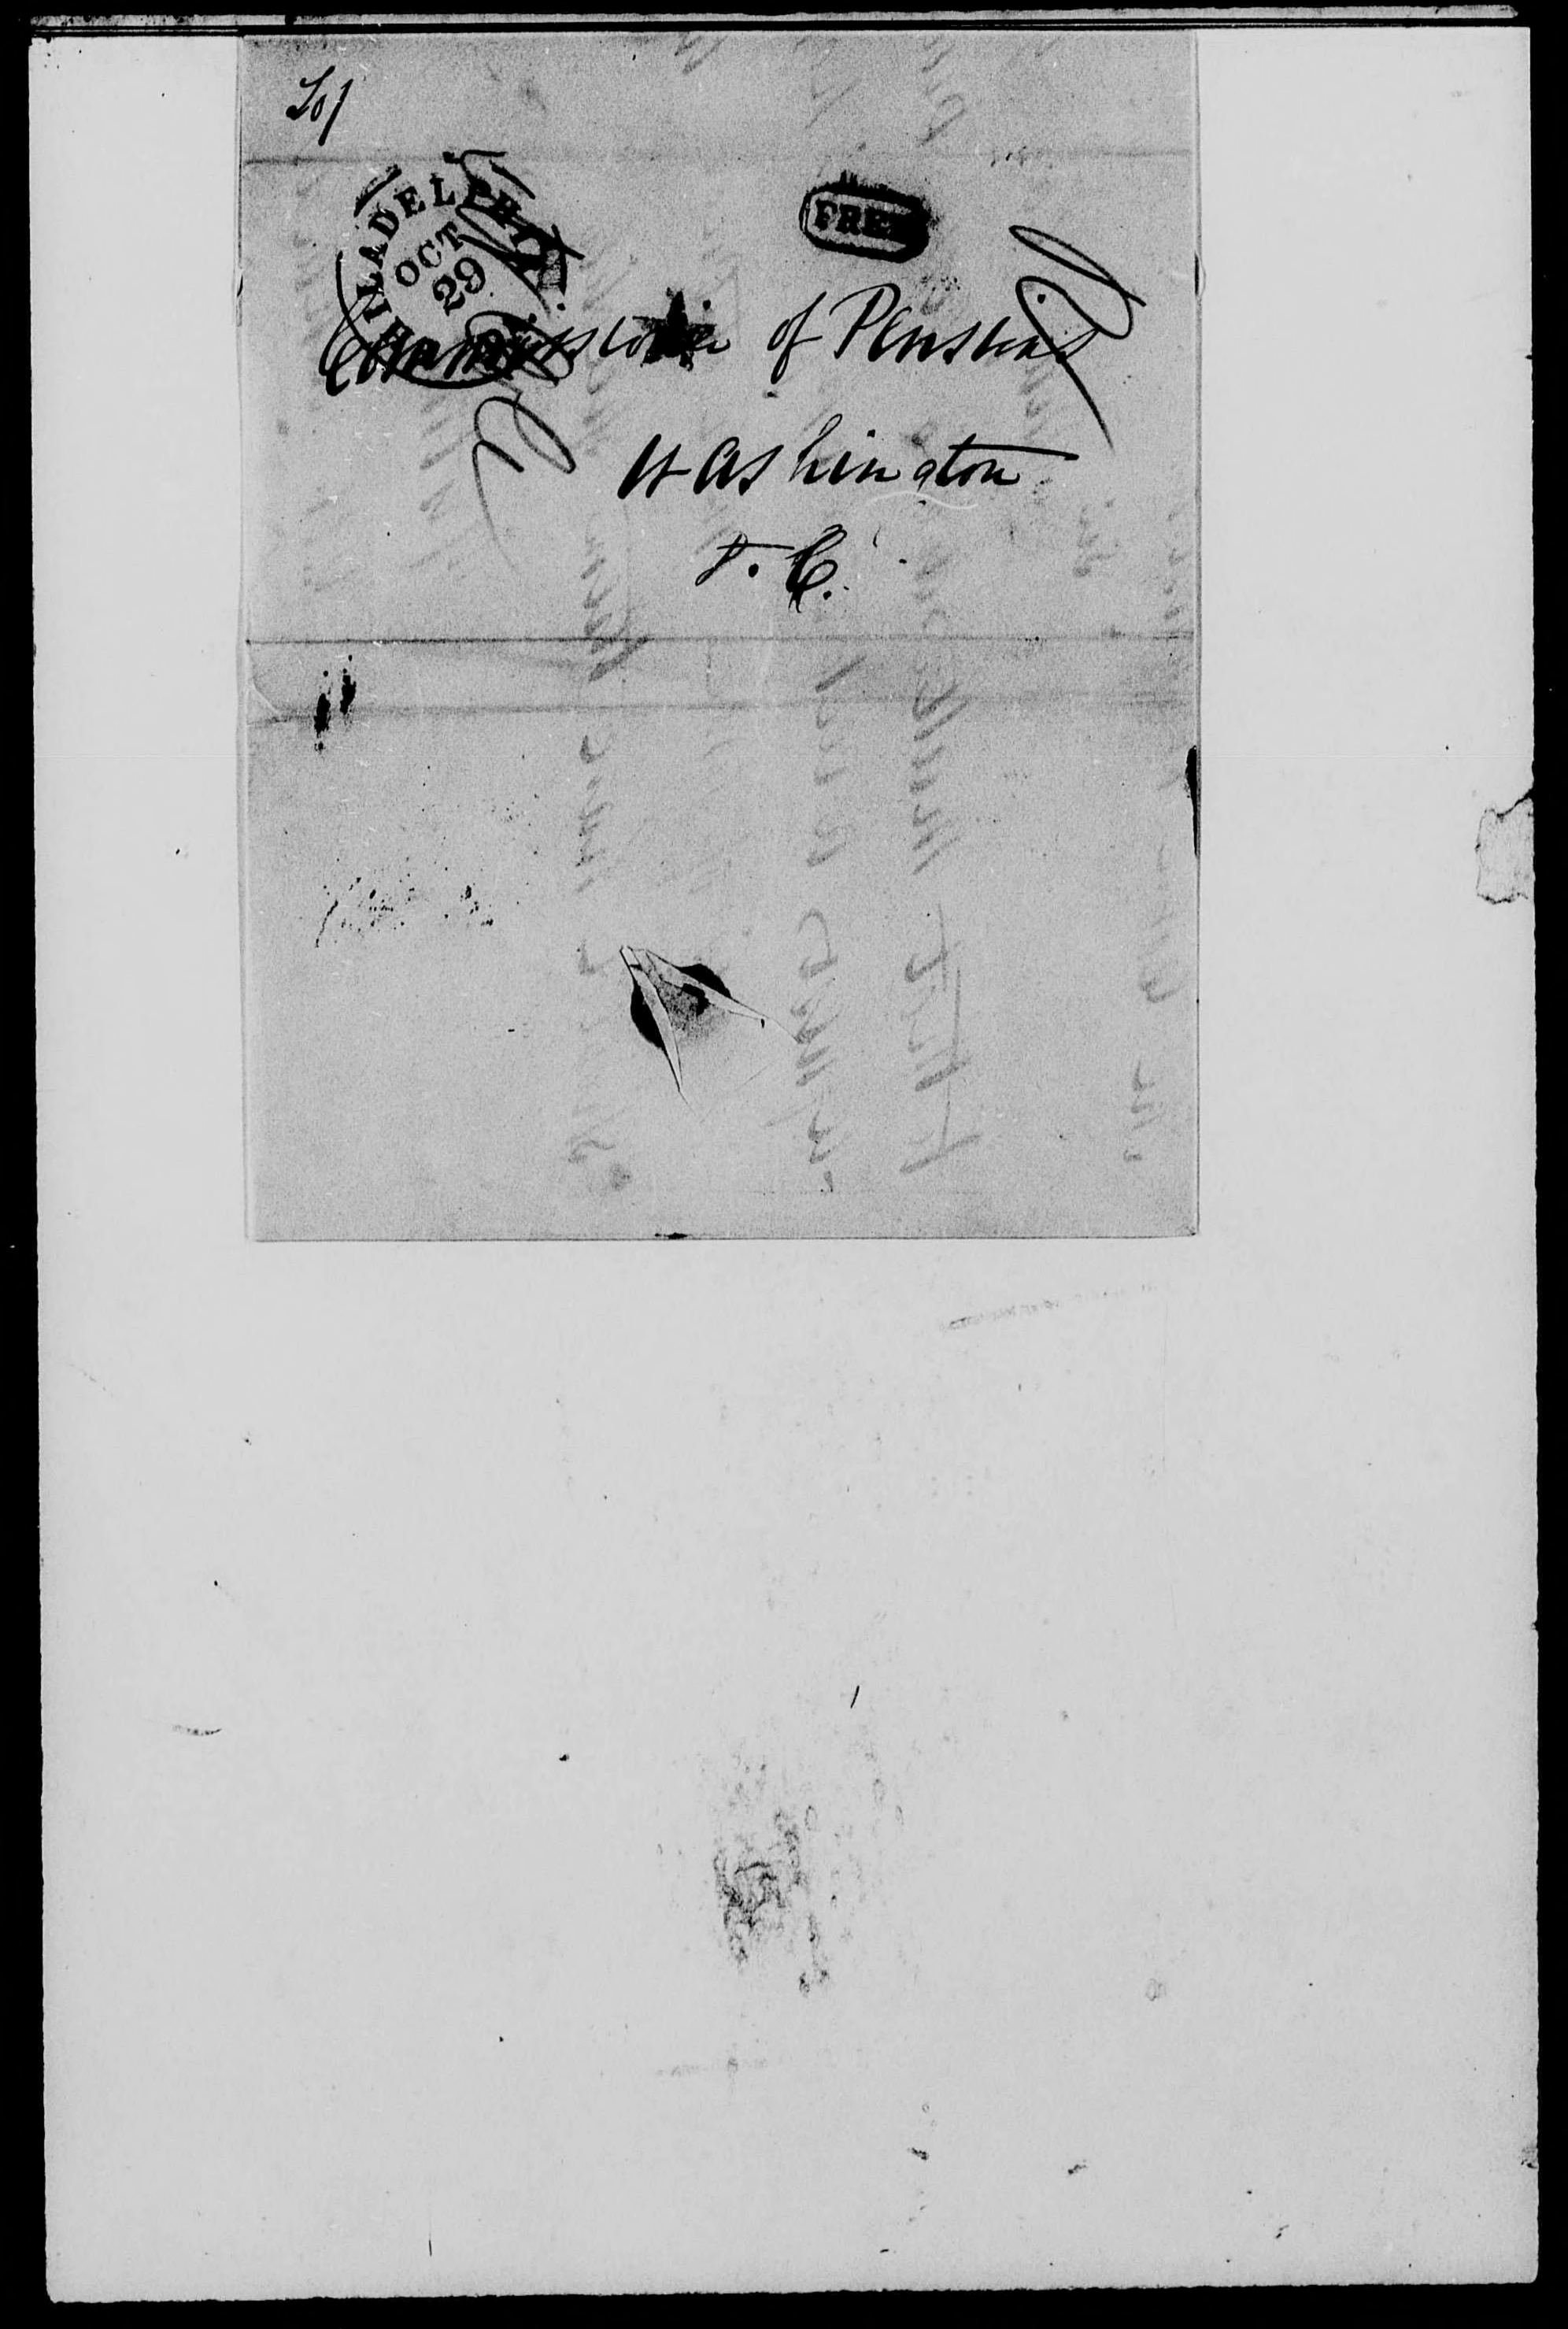To/
Commissioner of Pensions
Washington, D. C.
[Stamped: PHILADELPHIA OCT 29]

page: 25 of 32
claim: rejected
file: R. 2795, Jesse Dazey, Del.